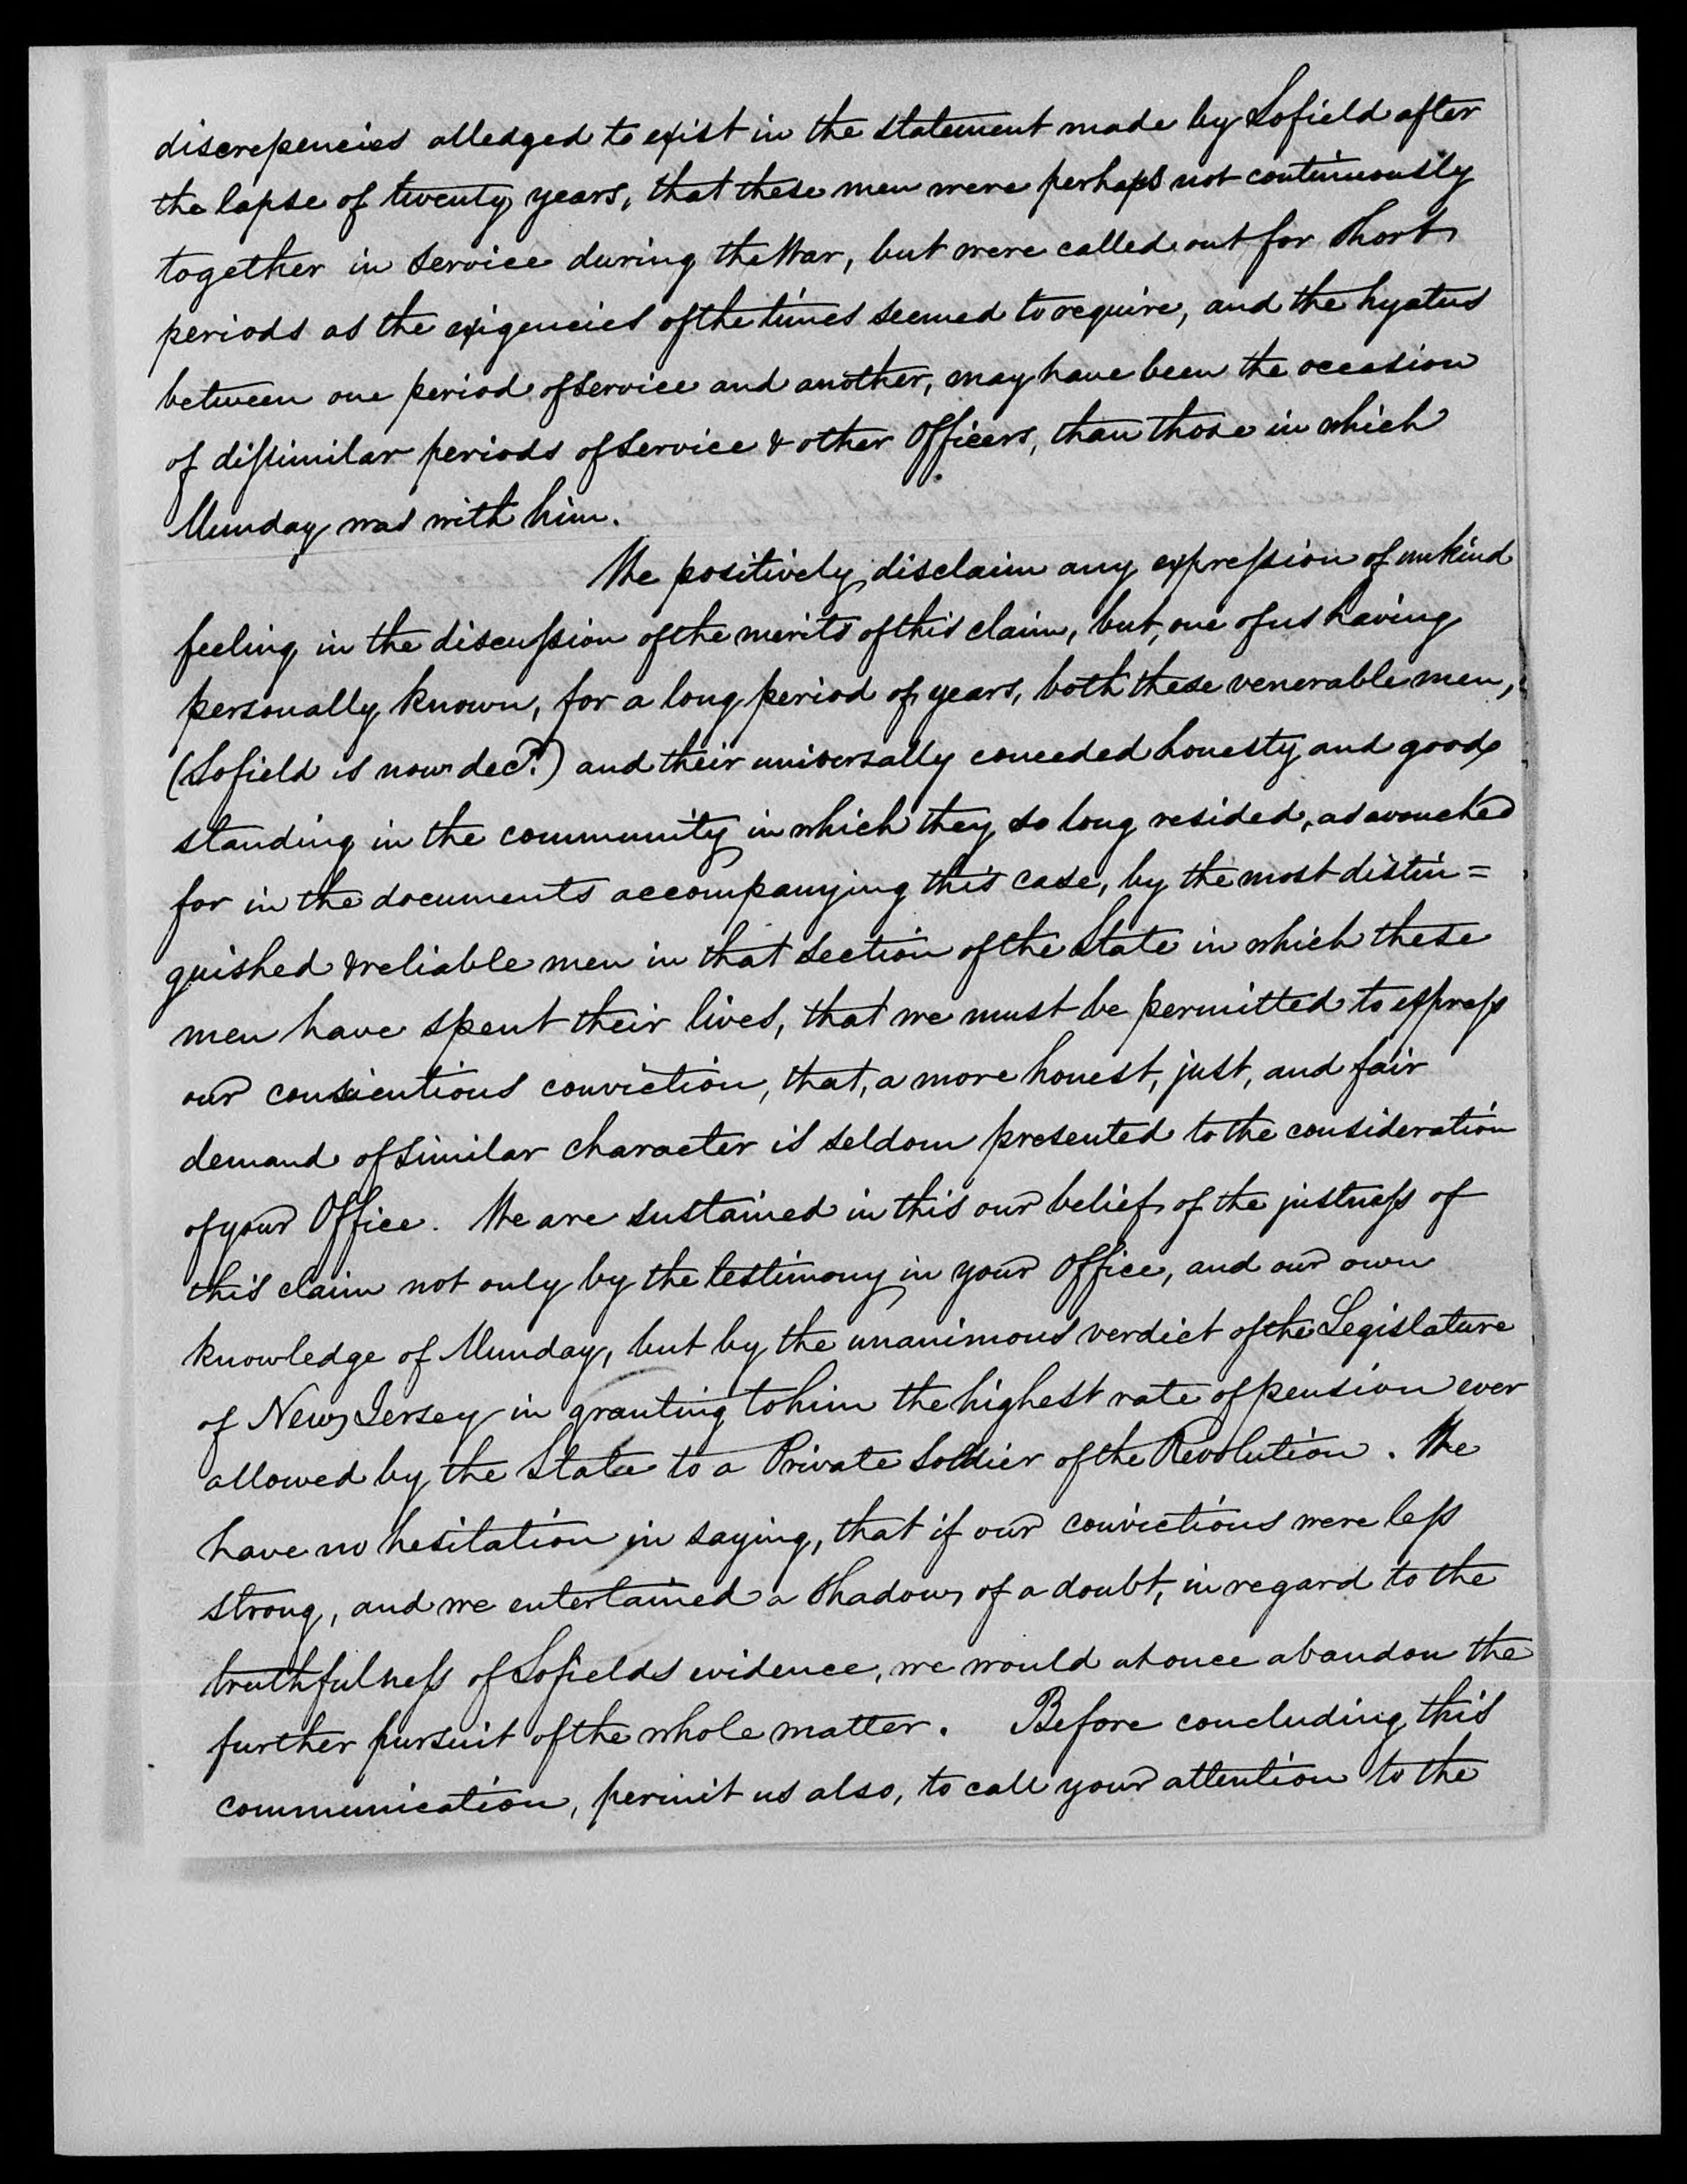...discrepancies alleged to exist in the statement made by Sofield after the lapse of twenty years, that these men were perhaps not continuously together in service during the war, but were called out for short periods as the exigencies of the times seemed to require, and the hiatus (sp.) between one period of service and another, may have been the occasion of dissimilar periods of service & other officers, than those in which Munday was with him.

We positively disclaim any expression of unkind feeling in the discussion of the merits of this claim but one of us, having personally known for a long period of years both these venerable men, (Sofield is now dec(eased)) and their universally conceded honesty and good standing in the community in which they so long resided, advanced for in the documents accompanying this case, by the most distinguished reliable men in that section of the State in which these men have spent their lives, that we must be permitted to express our conscientious conviction, that a more honest, just and fair demand of similar character is seldom presented to the consideration of your office. We are sustained in this, our belief of the justness of this claim, not only by the testimony in your office and our own knowledge of Munday, but by the unanimous verdict of the Legislature of New Jersey in granting to him the highest rate of pension ever allowed by the State to a private soldier of the Revolution. We have no hesitation in saying that if our convictions were less
strong and we entertained a shadow of a doubt in regard to the truthfulness of Sofield's evidence, we would at once abandon the further pursuit of the whole matter. Before concluding this communication, permit us also to call your attention to the...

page: 40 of 95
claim: survivor's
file: S 2889, for Levi Mundy, New Jersey